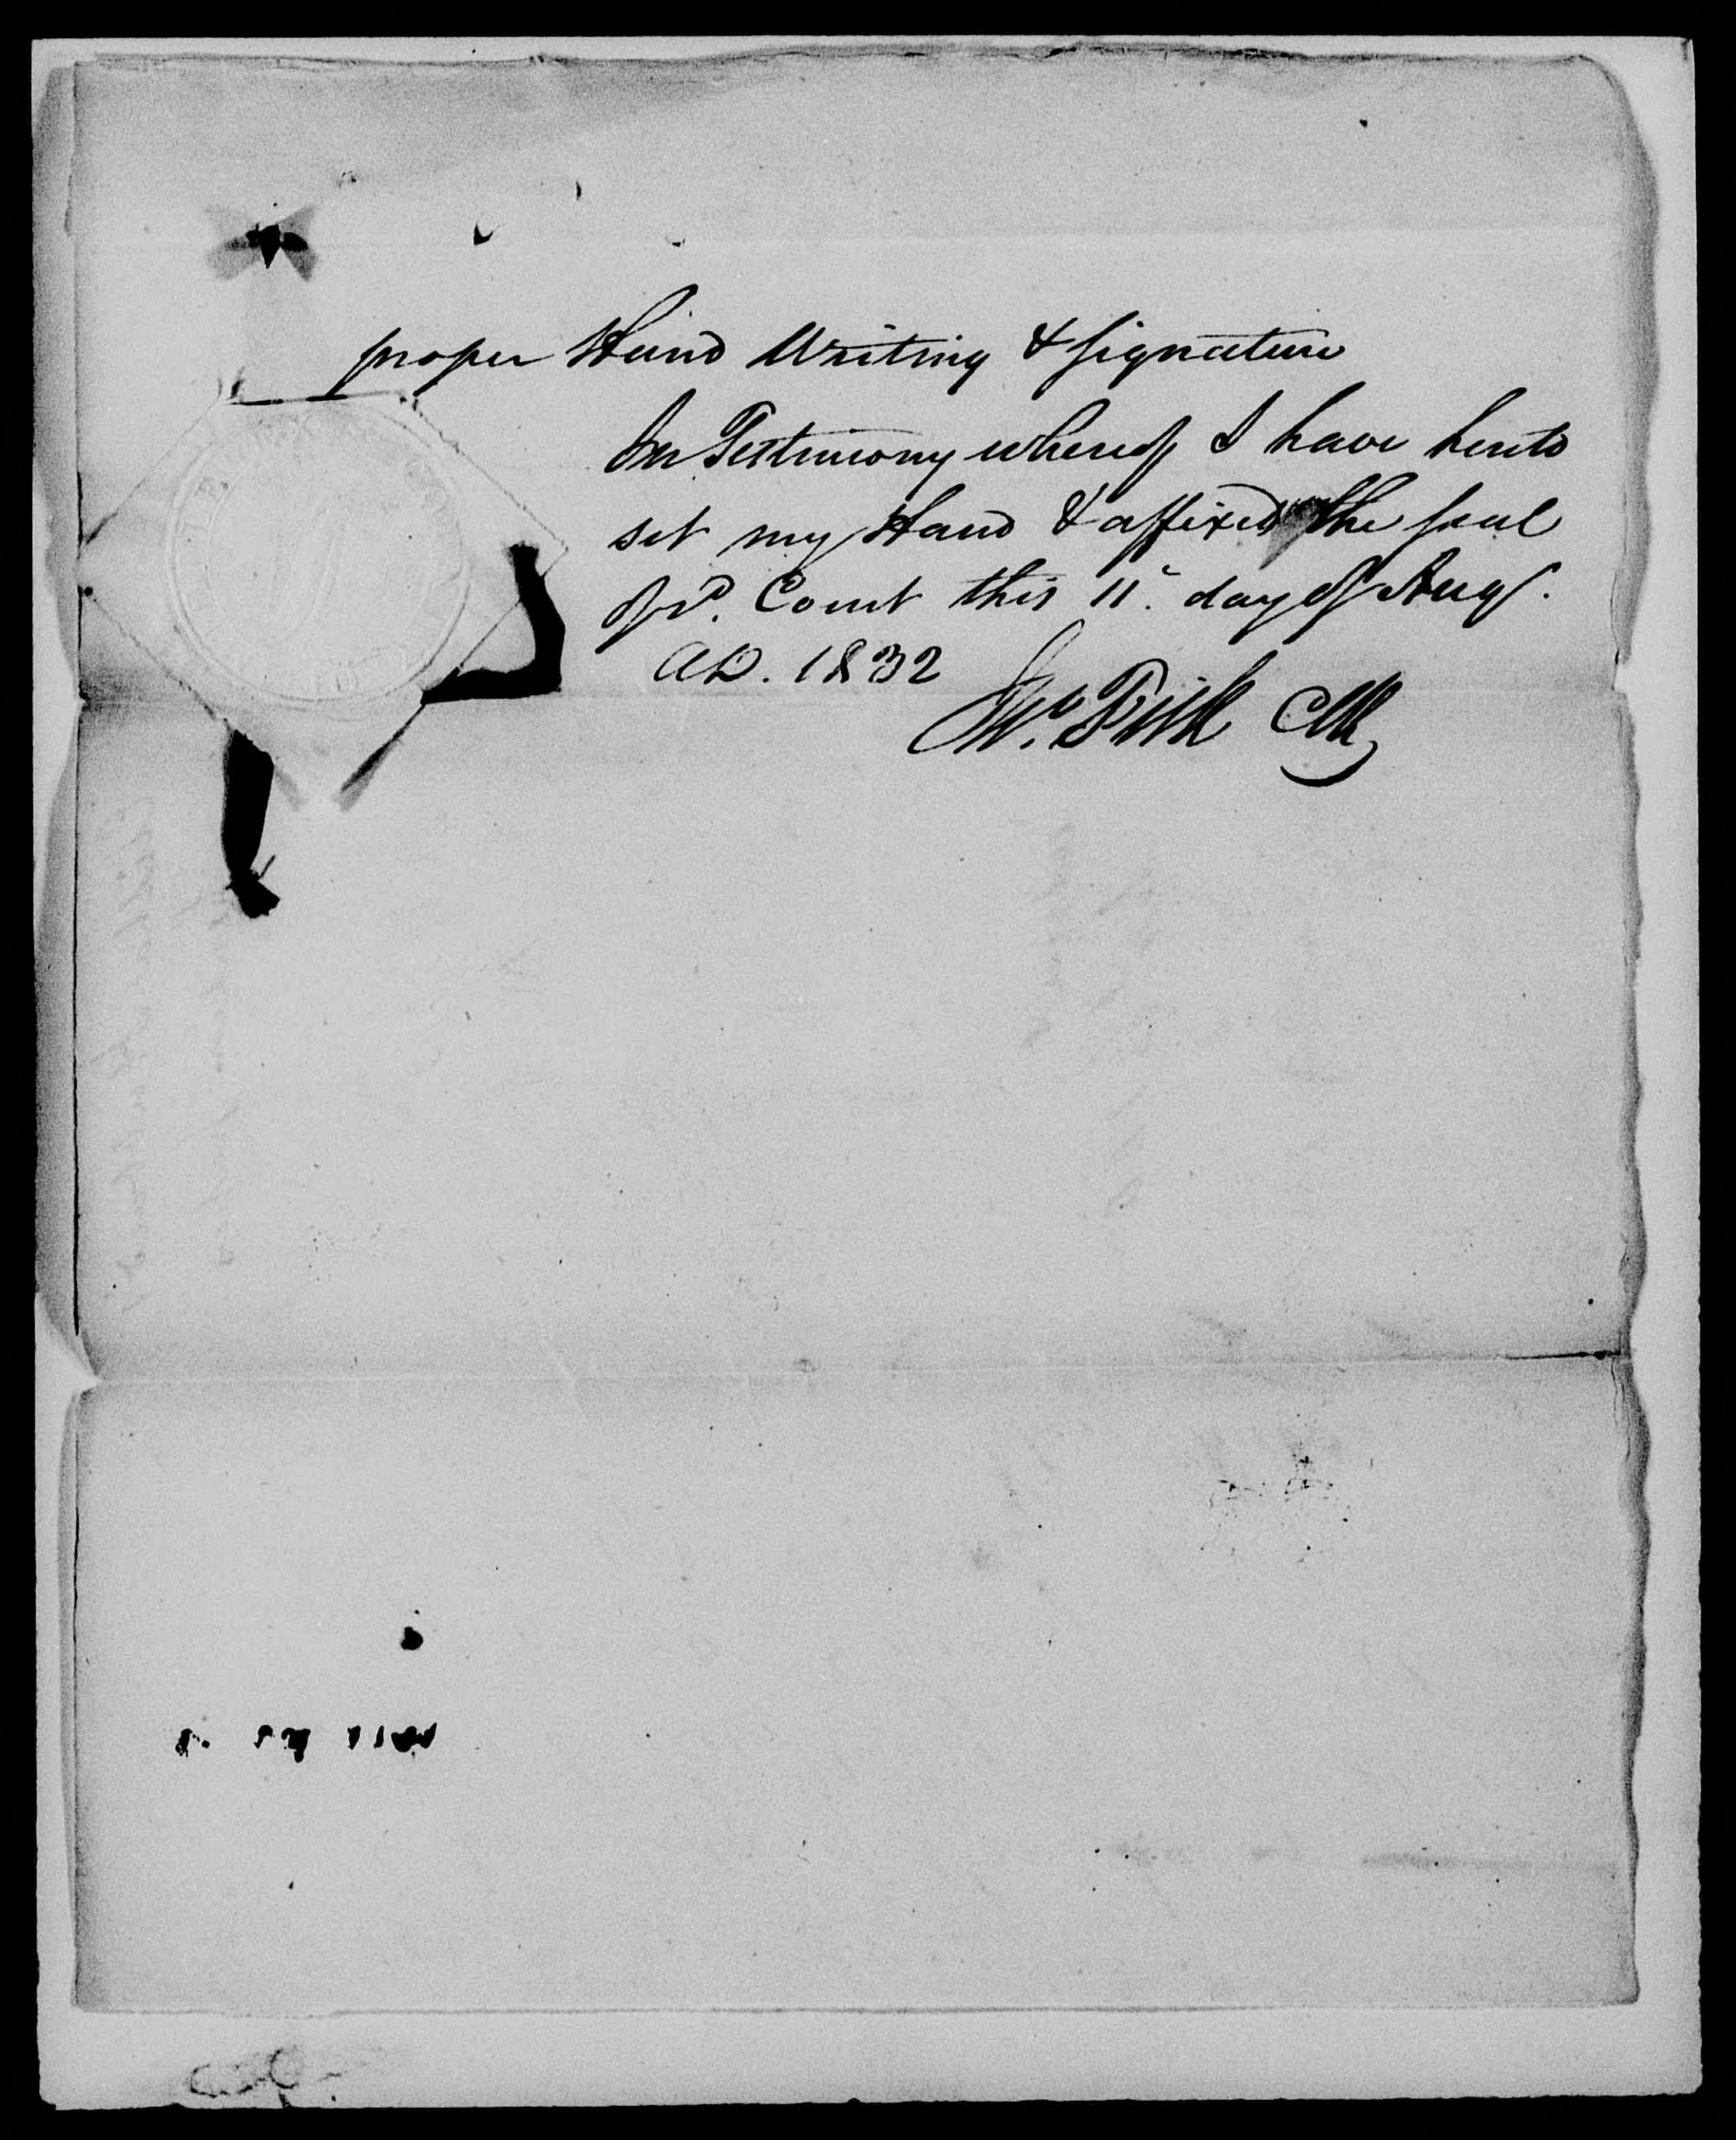large  seal      

proper Hand Writing & signature
In Testimony whereof I have hereto set my Hand & affixed the Seal of Court this 11th day of Aug. AD.  1832

Jhn. Fisk Clk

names: Jno Fisk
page: 30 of 63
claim: survivor's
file: S. 18457, Elisha Hubbard, Conn. Continental